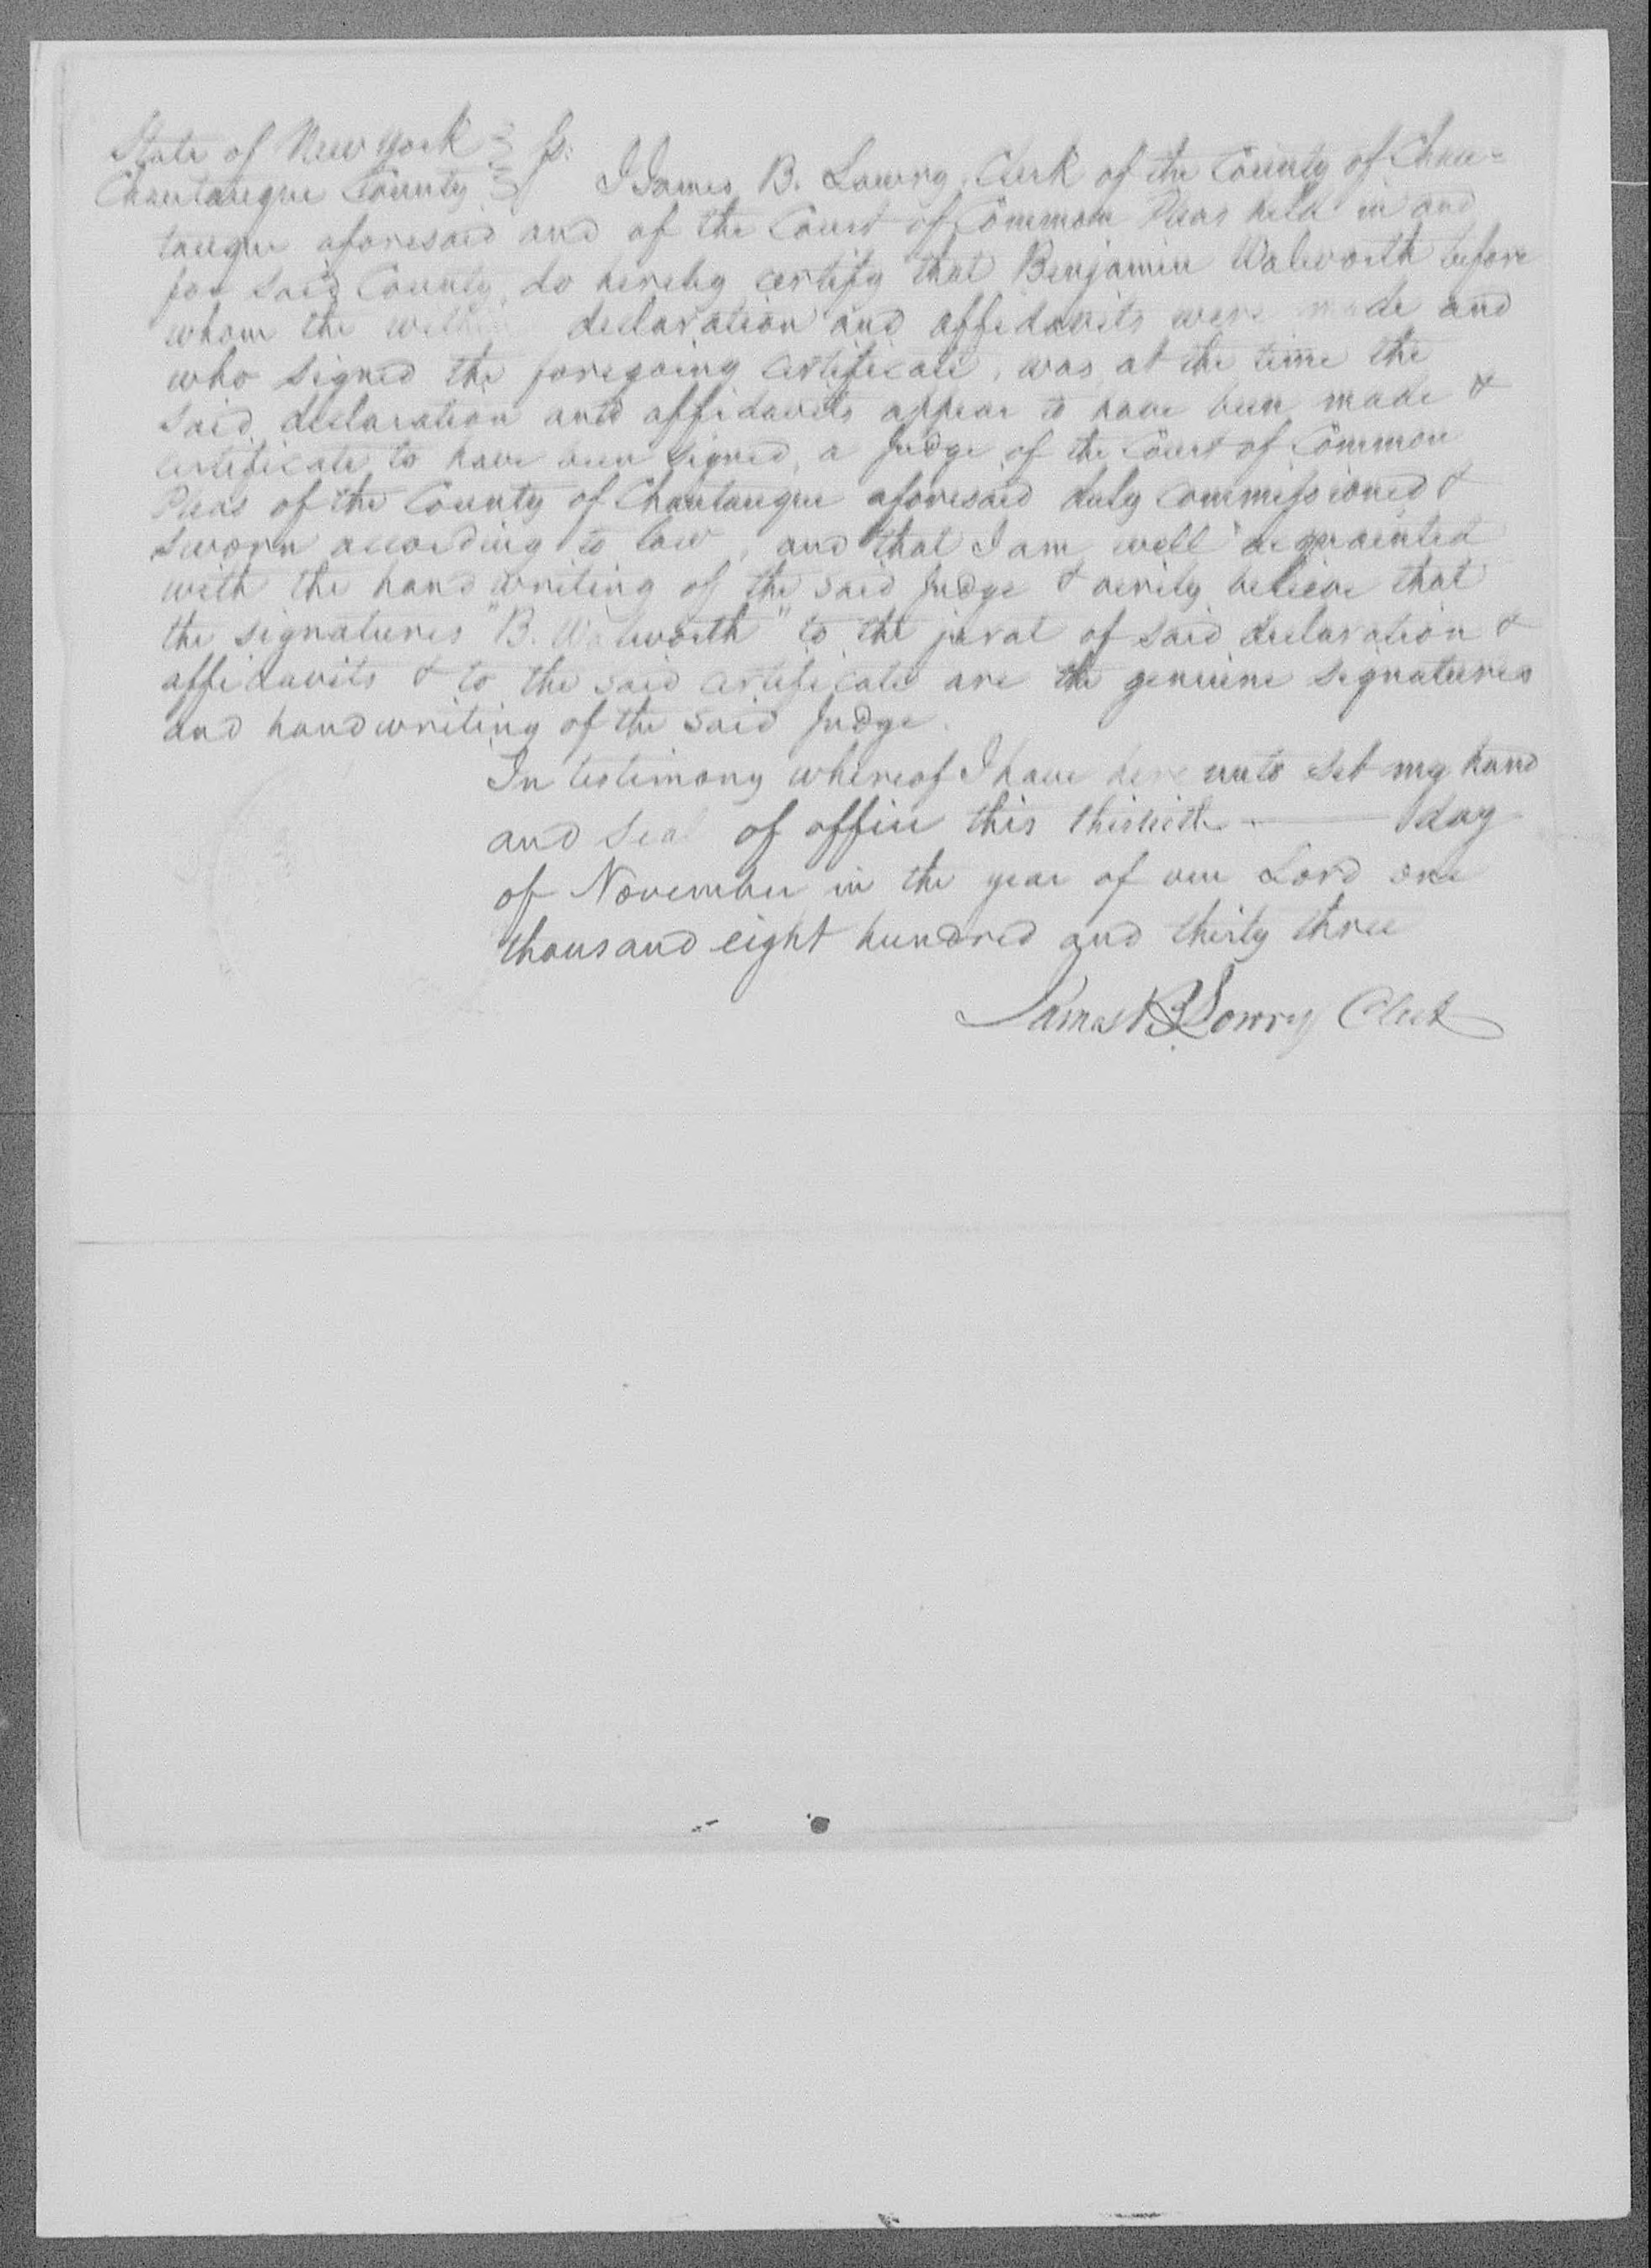State of New York
Chautauqua County} Ss:
I James B. Lowry, Clerk of the County of Chautauqua aforesaid and of the Court of Common Pleas held in and for said County, do hereby certify that Benjamin Walworth before whom the within declaration and affidavits were made and who signed the foregoing certificate, was at the time the said declaration and affidavits appear to have been made & certificate to have been signed, a Judge of the Court of Common Pleas of the County of Chautauqua aforesaid duly commissioned & sworn according to law, and that I am well acquainted with the hand writing of said Judge & verily believe that the signatures “B. Walworth” to the jurat of said declaration & affidavits & to the said certificate are the genuine signatures and handwriting of the said Judge.
[seal]
In testimony whereof I have hereunto set my hand and seal of office this thirteenth day of November in the year of our Lord one thousand eight hundred and thirty three.
James B. Lowry Clerk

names: James B Lowry, B Walworth, Benjamin Walworth, James B Lowry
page: 18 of 52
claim: widow's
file: W. 18,565, Hezekiah Barker, Continental R.I.